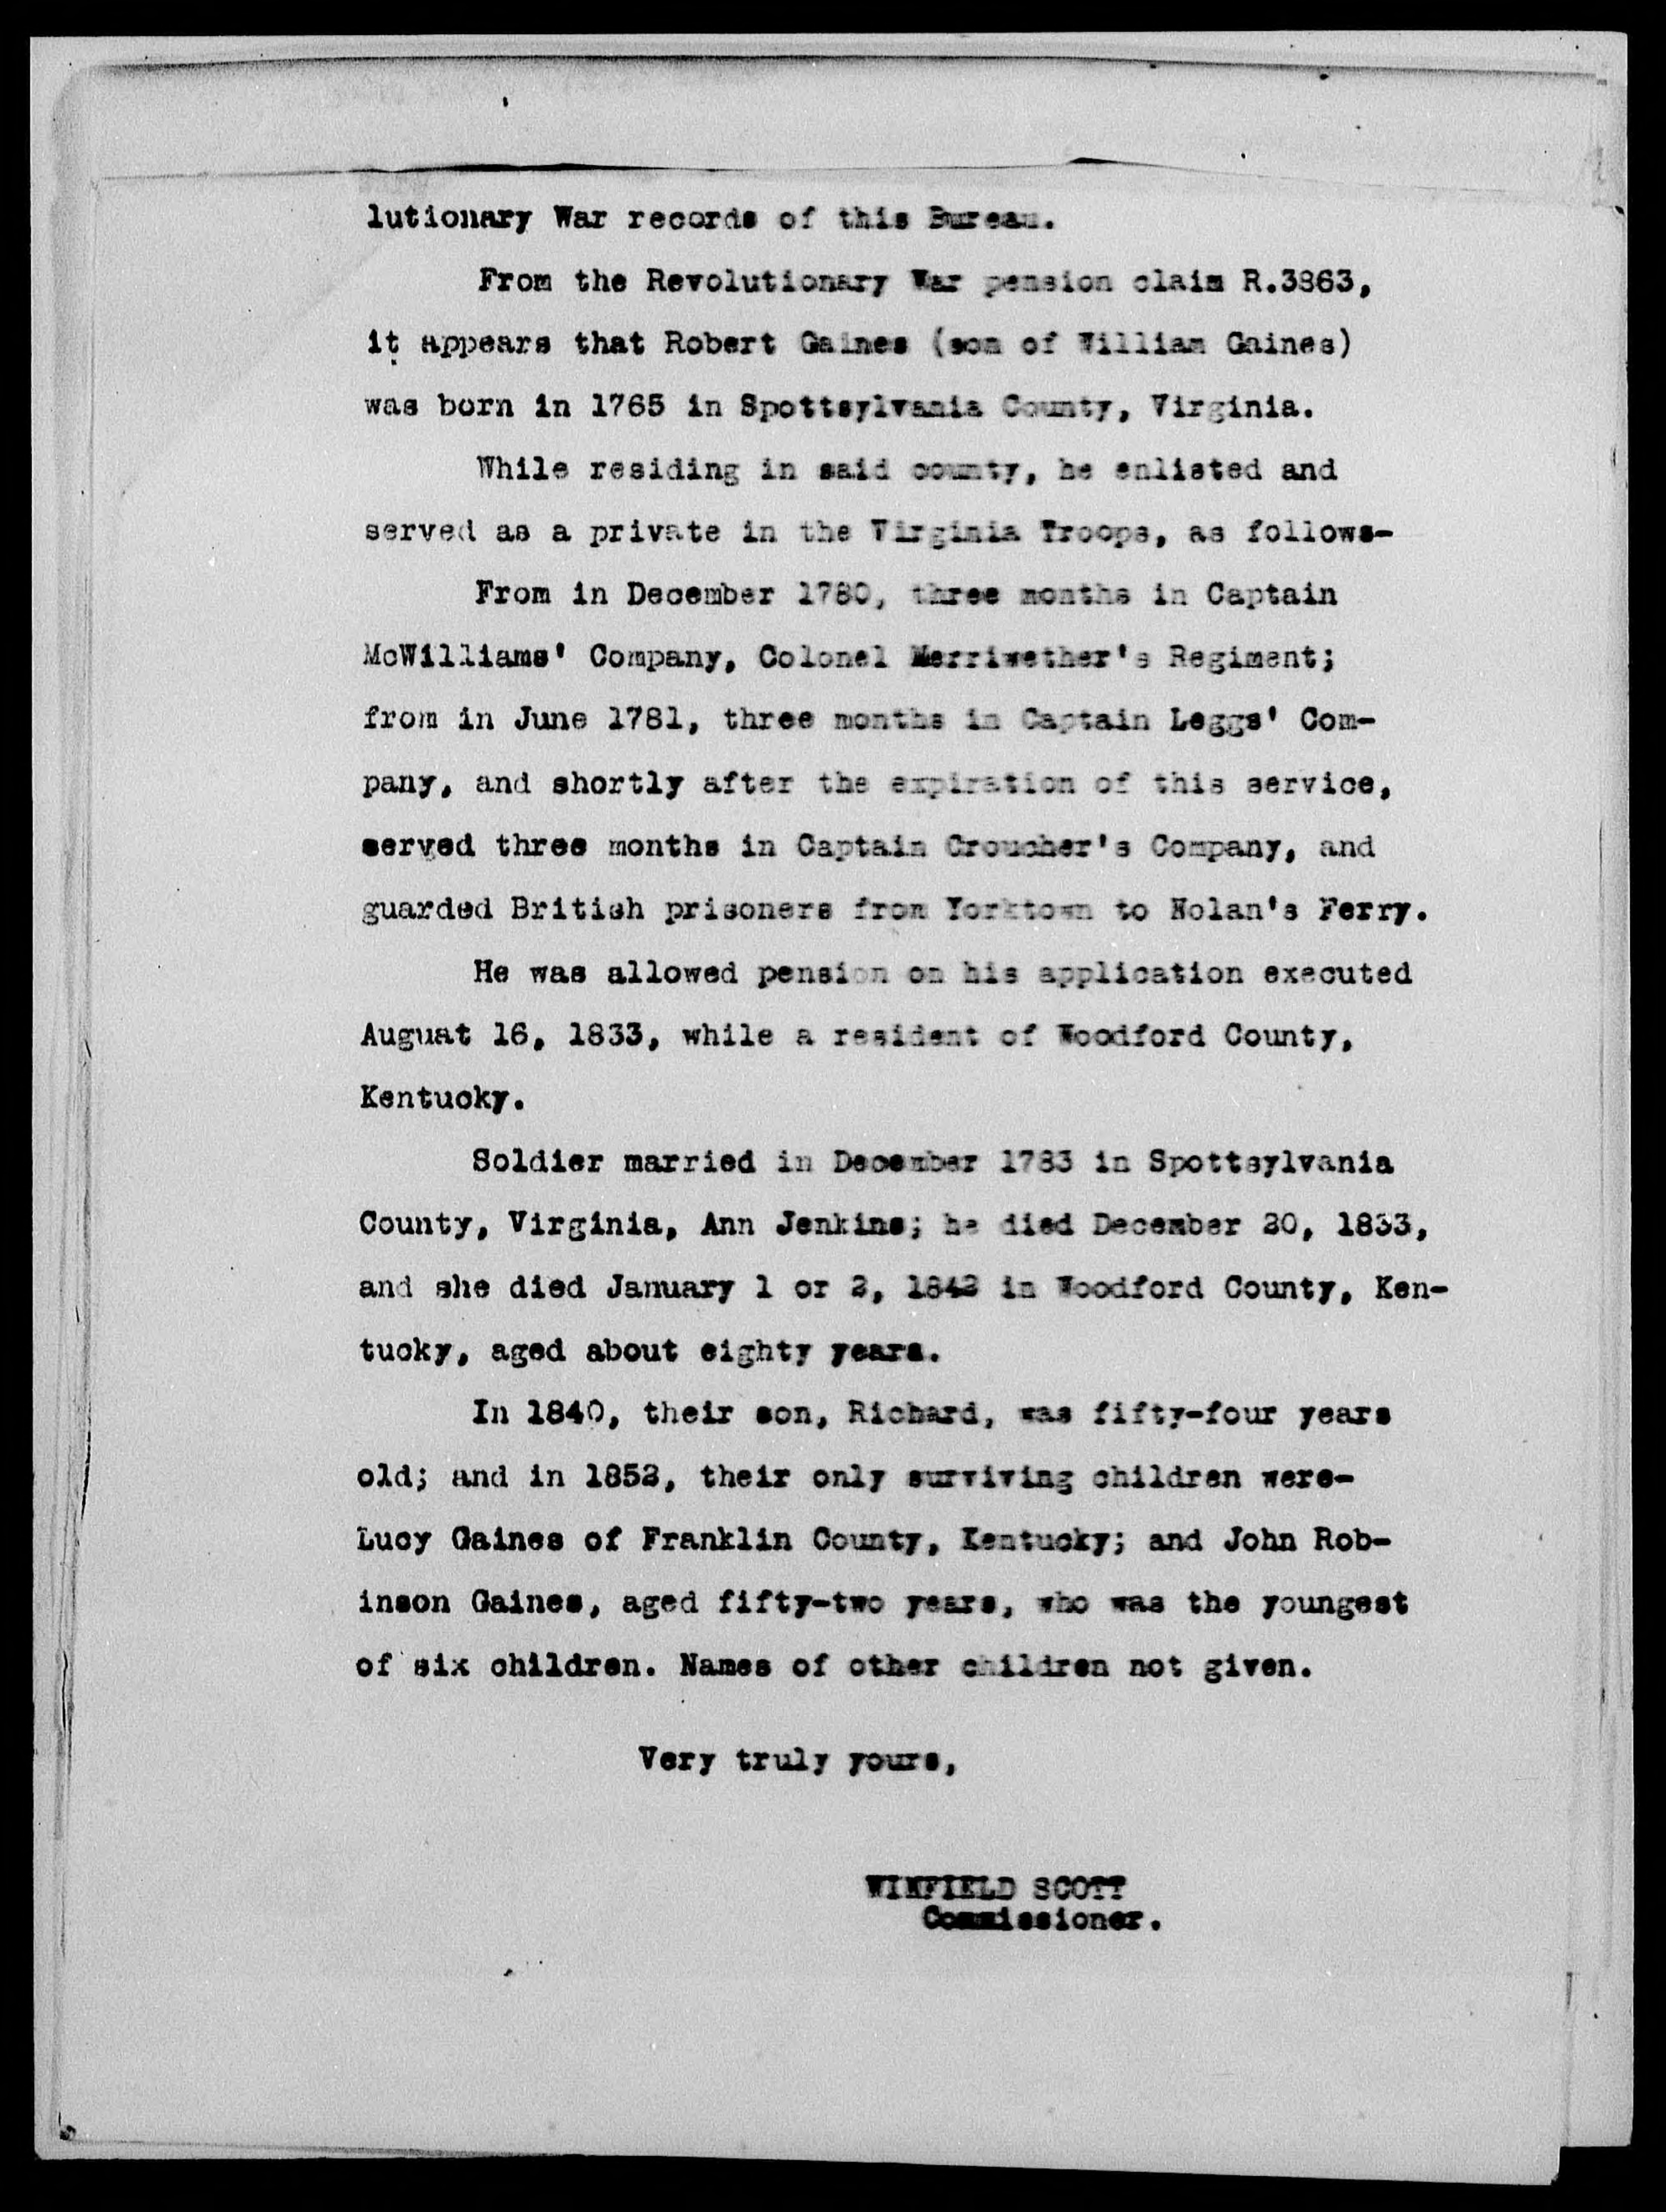olutionary War records of this Bureau.
From the Revolutionary War pension claim R.3863,
it appears that Robert Gaines (son of William Gaines)
was born in 1765 in Spottsylvania County, Virginia.
While residing in said County, he enlisted and
served as a private in the Virginia Troops, as follows-
From in December 1780, three months in Captain
McWilliams' Company, Colonel Merriwether's Regiment;
from in June 1781, three months in Captain Leggs' Company, and shortly after the expiration of this service,
served three months in Captain Croucher's Company, and
guarded British prisoners from Yorktown to Nolan's Ferry.
He was allowed pension on his application executed
August 16, 1833, while a resident of Woodford County,
Kentucky.
Soldier married in December 1783 in Spottsylvania
County, Virginia, Ann Jenkins; he died December 20, 1833,
and she died January 1 or 2, 1842 in Woodford County, Kentucky, aged about eighty years.
In 1840, their son, Richard, was fifty-four years
old; and in 1852, their only surviving children were-
Lucy Gaines of Franklin County, Kentucky; and John Robinson
Gaines, aged fifty-two years, who was the youngest
of six children. Names of other children not given.
Very truly yours,
WINFIELD SCOTT
Commssioner.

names: Lucy Gaines, Ann Jenkins, John Robinson Gaines, Winfield Scott, Robert Gaines, William Gaines, Richard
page: 32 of 79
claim: rejected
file: R. 3863, Robert Gaines, Va.